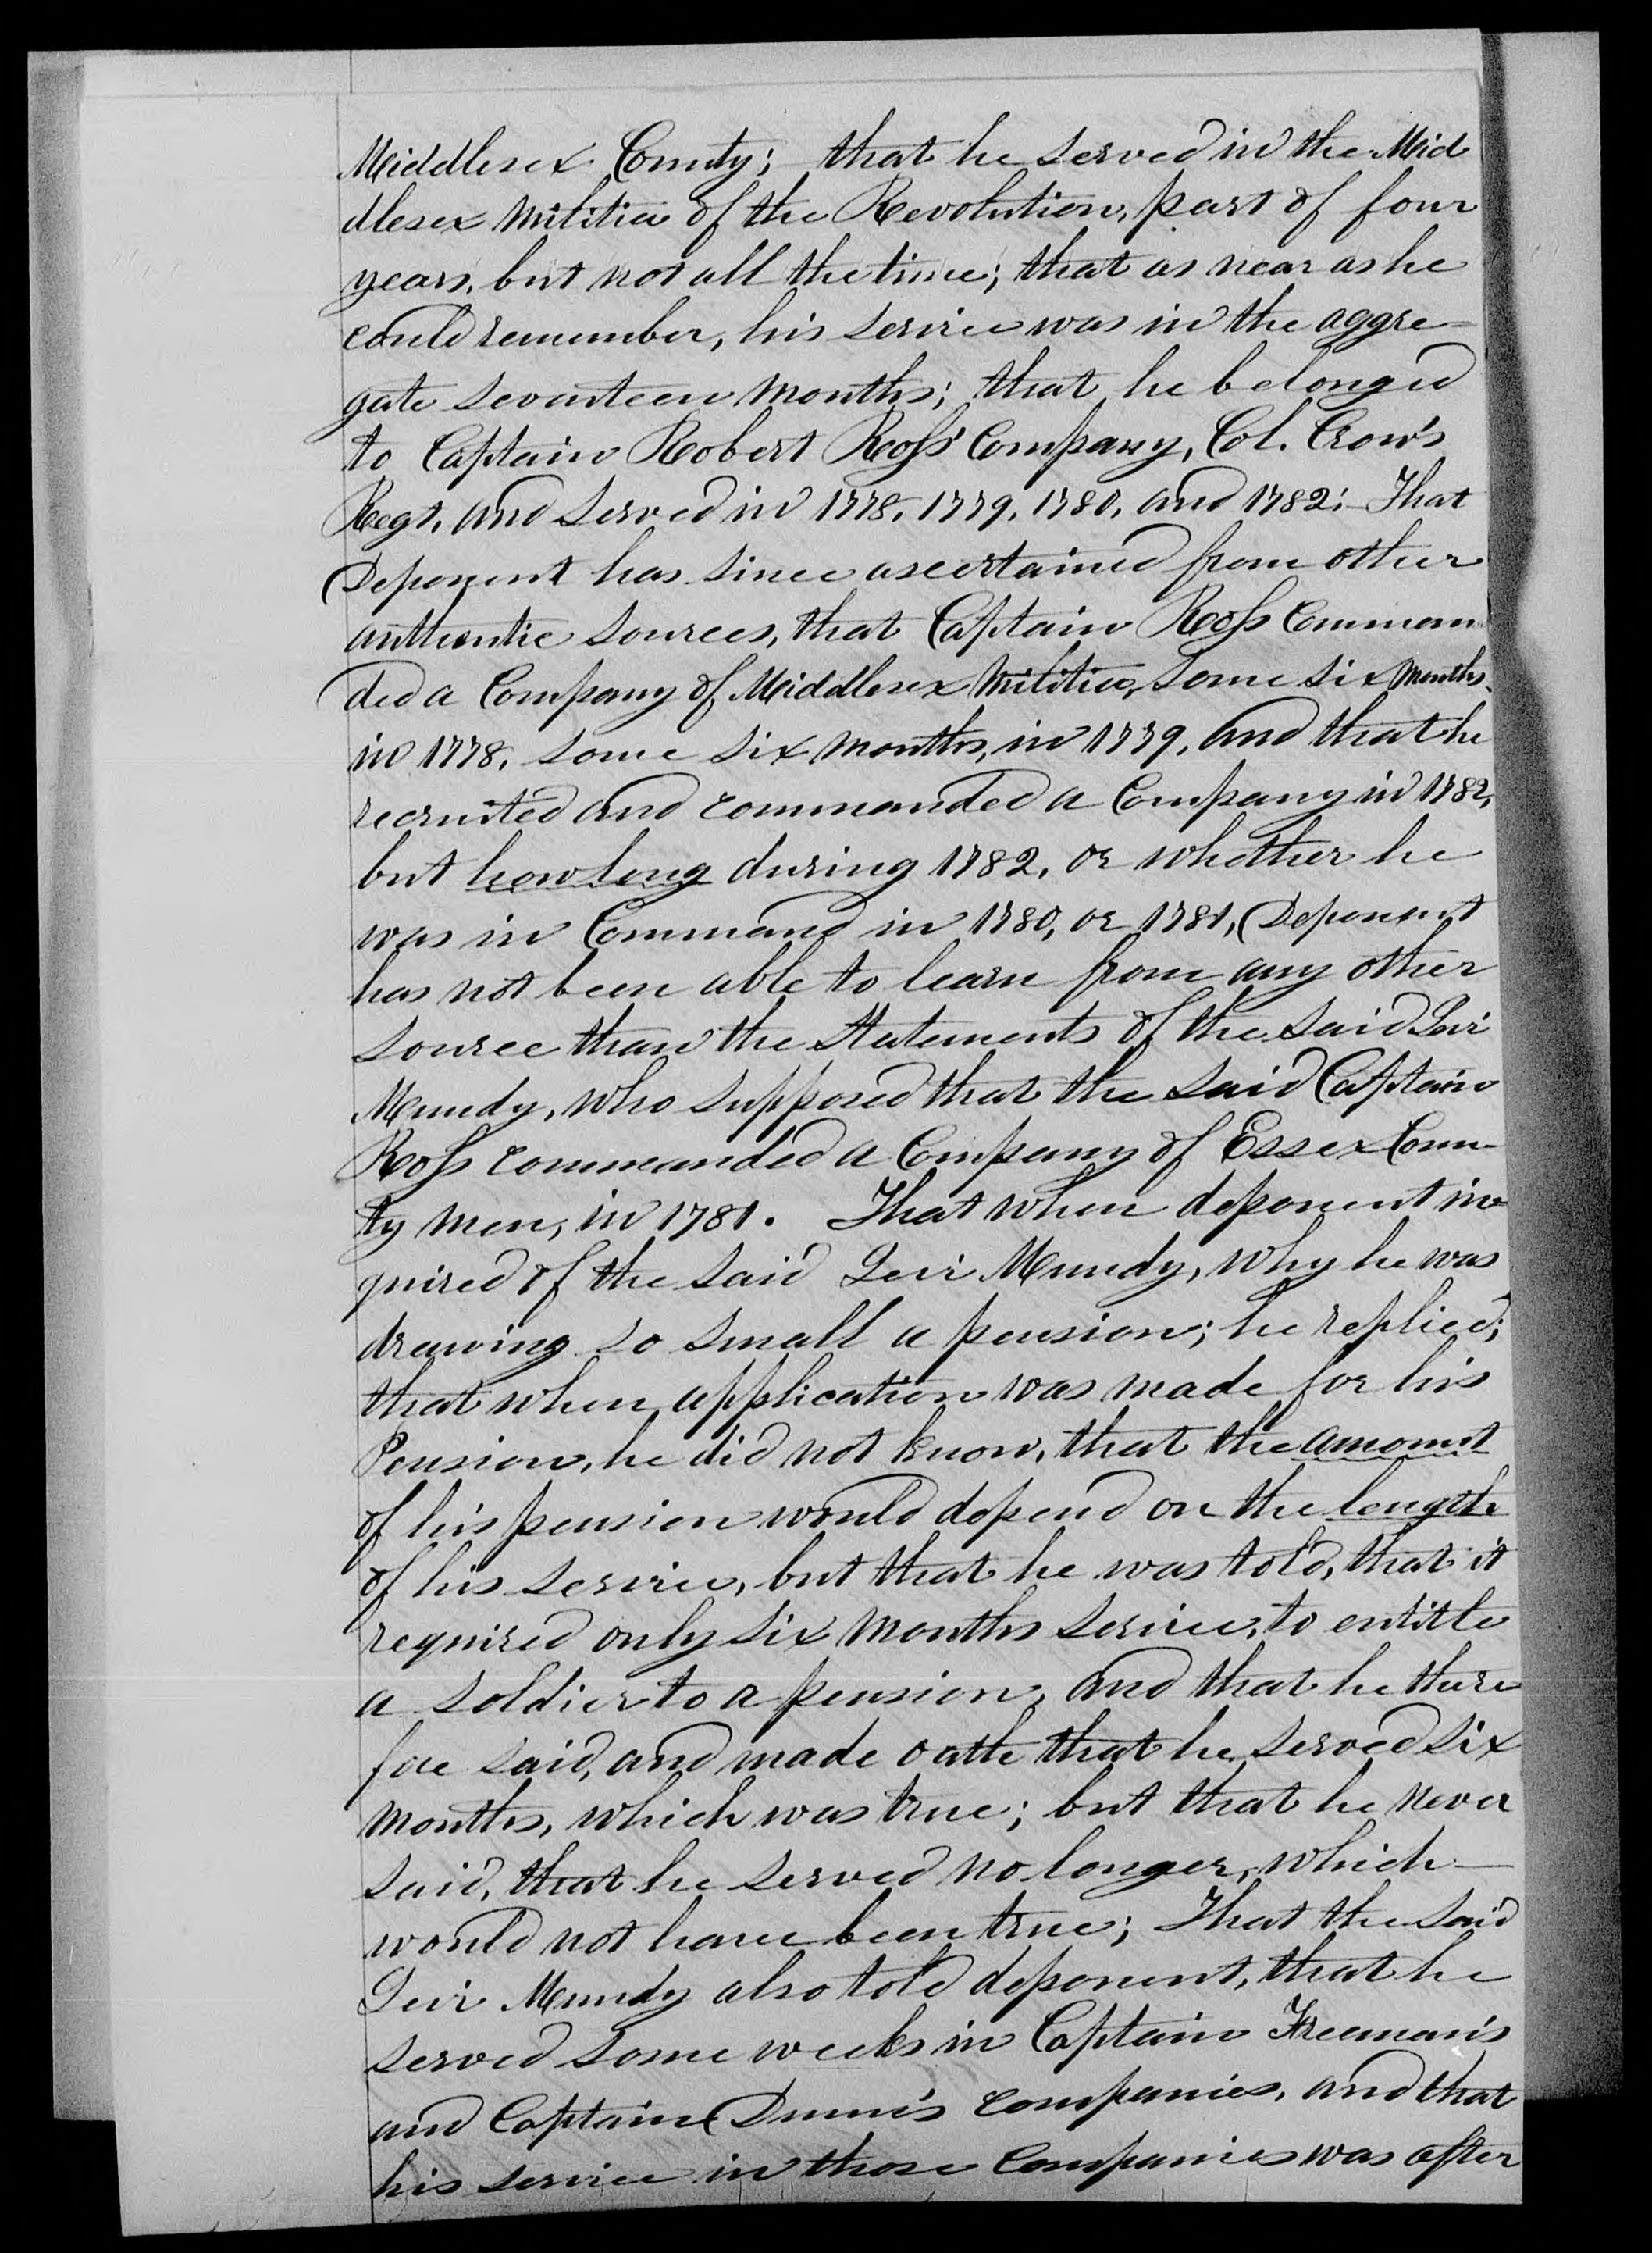...Middlesex County; that he served in the Middlesex Militia of the Revolution, part of four years, but not all the time; that as near as he could remember, his service was in the aggregate seventeen months; that he belonged to Captain Robert Ross' Company, Col. Crow's Reg(iment) and served in 1778, 1779, 1780, and 1782: That deponent has since ascertained from other authentic sources that Captain Ross commanded a company of Middlesex Militia some six months in 1778, some six months in 1779 and that he recruited and commanded a Company in 1782, but how long during 1782, or whether he was in command in 1780 or 1781. Deponent has not been able to learn from any other source than the statements of the said Levi Mundy, who supposed that the said Captain Ross commanded a company of Essex County men in 1781. That when deponent inquired of the said Levi Mundy why he was drawing so small a pension, he replied that when application was made for his pension, he did not know that the amount of his pension would depend on the length of his service, but that he was told that it required only six months service to entitle a soldier to a pension and that he therefore said and made oath that he served six months, which was true. But that he never said that he served no longer, which would not have been true. That the said Levi Mundy also told deponent that he served some weeks in Captain Freeman's and Captain Davis' companies and that his service in those companies was after...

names: Levi Mundy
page: 19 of 95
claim: survivor's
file: S 2889, for Levi Mundy, New Jersey